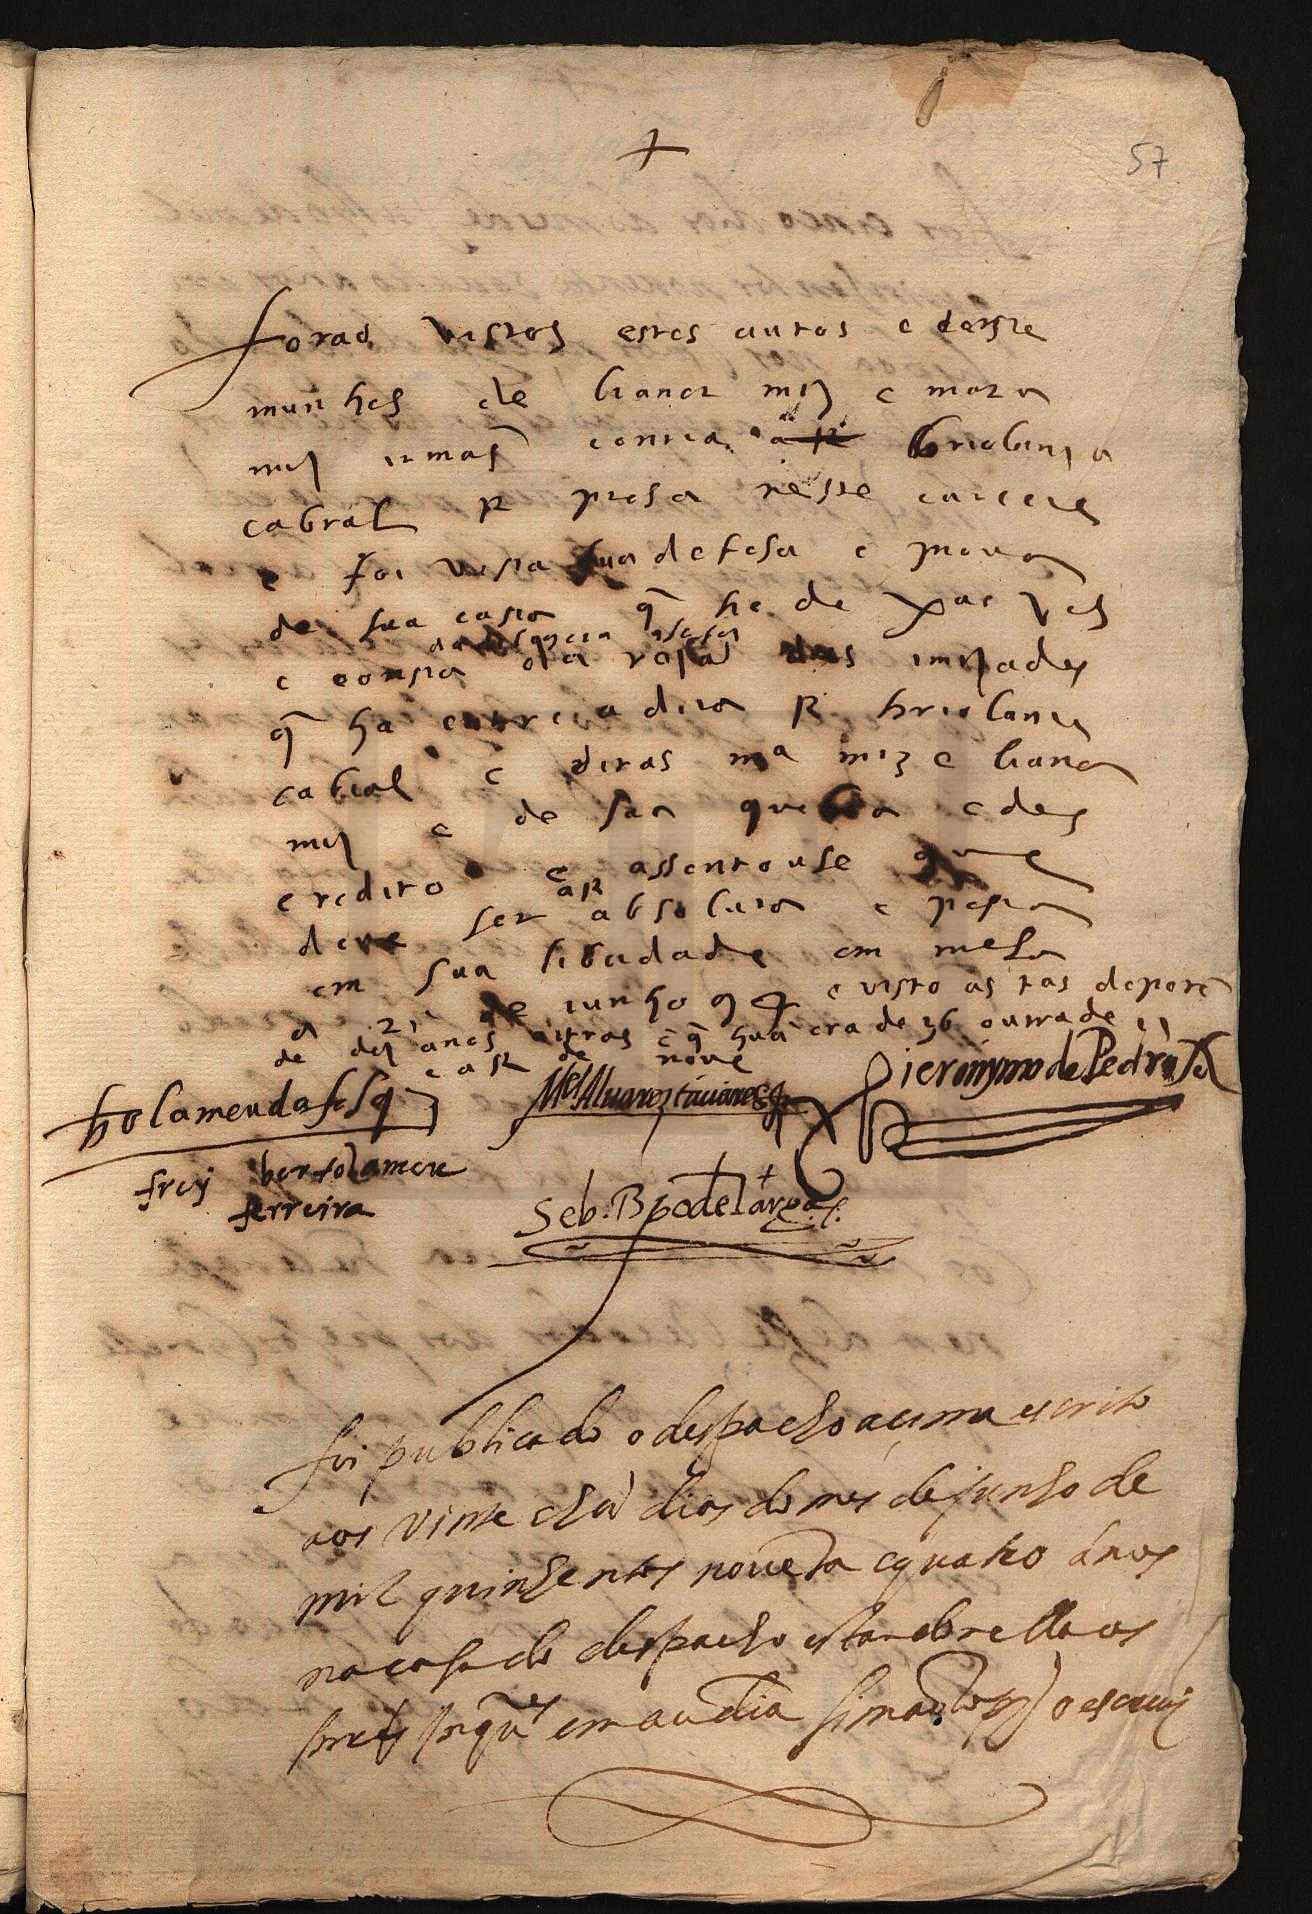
foraõ vistos estes autos e teste
munhas de lianor miz e mara
miz irmas̄ contra a R briolanja
cabraL R presa neste carcere
e foi vista sua defesa e proua
d_ sua casta q̄ he de Xas Vas
e consta o ter rasaõ das imizades
q̄ ha contra a dita R briolania
cabral e ditas ma miz e lianor
miz e de sua queb_a e des
credito e assentouse que
a R
deue ser absoluta e posta
em sua liberdade em mesa
a 21 de iunho 94 e visto as tas deporē
de dez anos atras ē q̄ huā era de 16 outra de 11
e a R de noue
Hieronymo de Pedroso
Mel Aluarez tauares
b̄olameu dafosq
frey bertolameu
Seb. Bpō de Targa
ferreira
foi publicado o despacho acima escrito
aos vinte E hū dias do mes de junho de
mil quinhentos nouēta e quatro an̄os
na casa do despacho estando nella os
snrēs Jnqures em aud̄ia simaõ lopz̄ o escreuj
